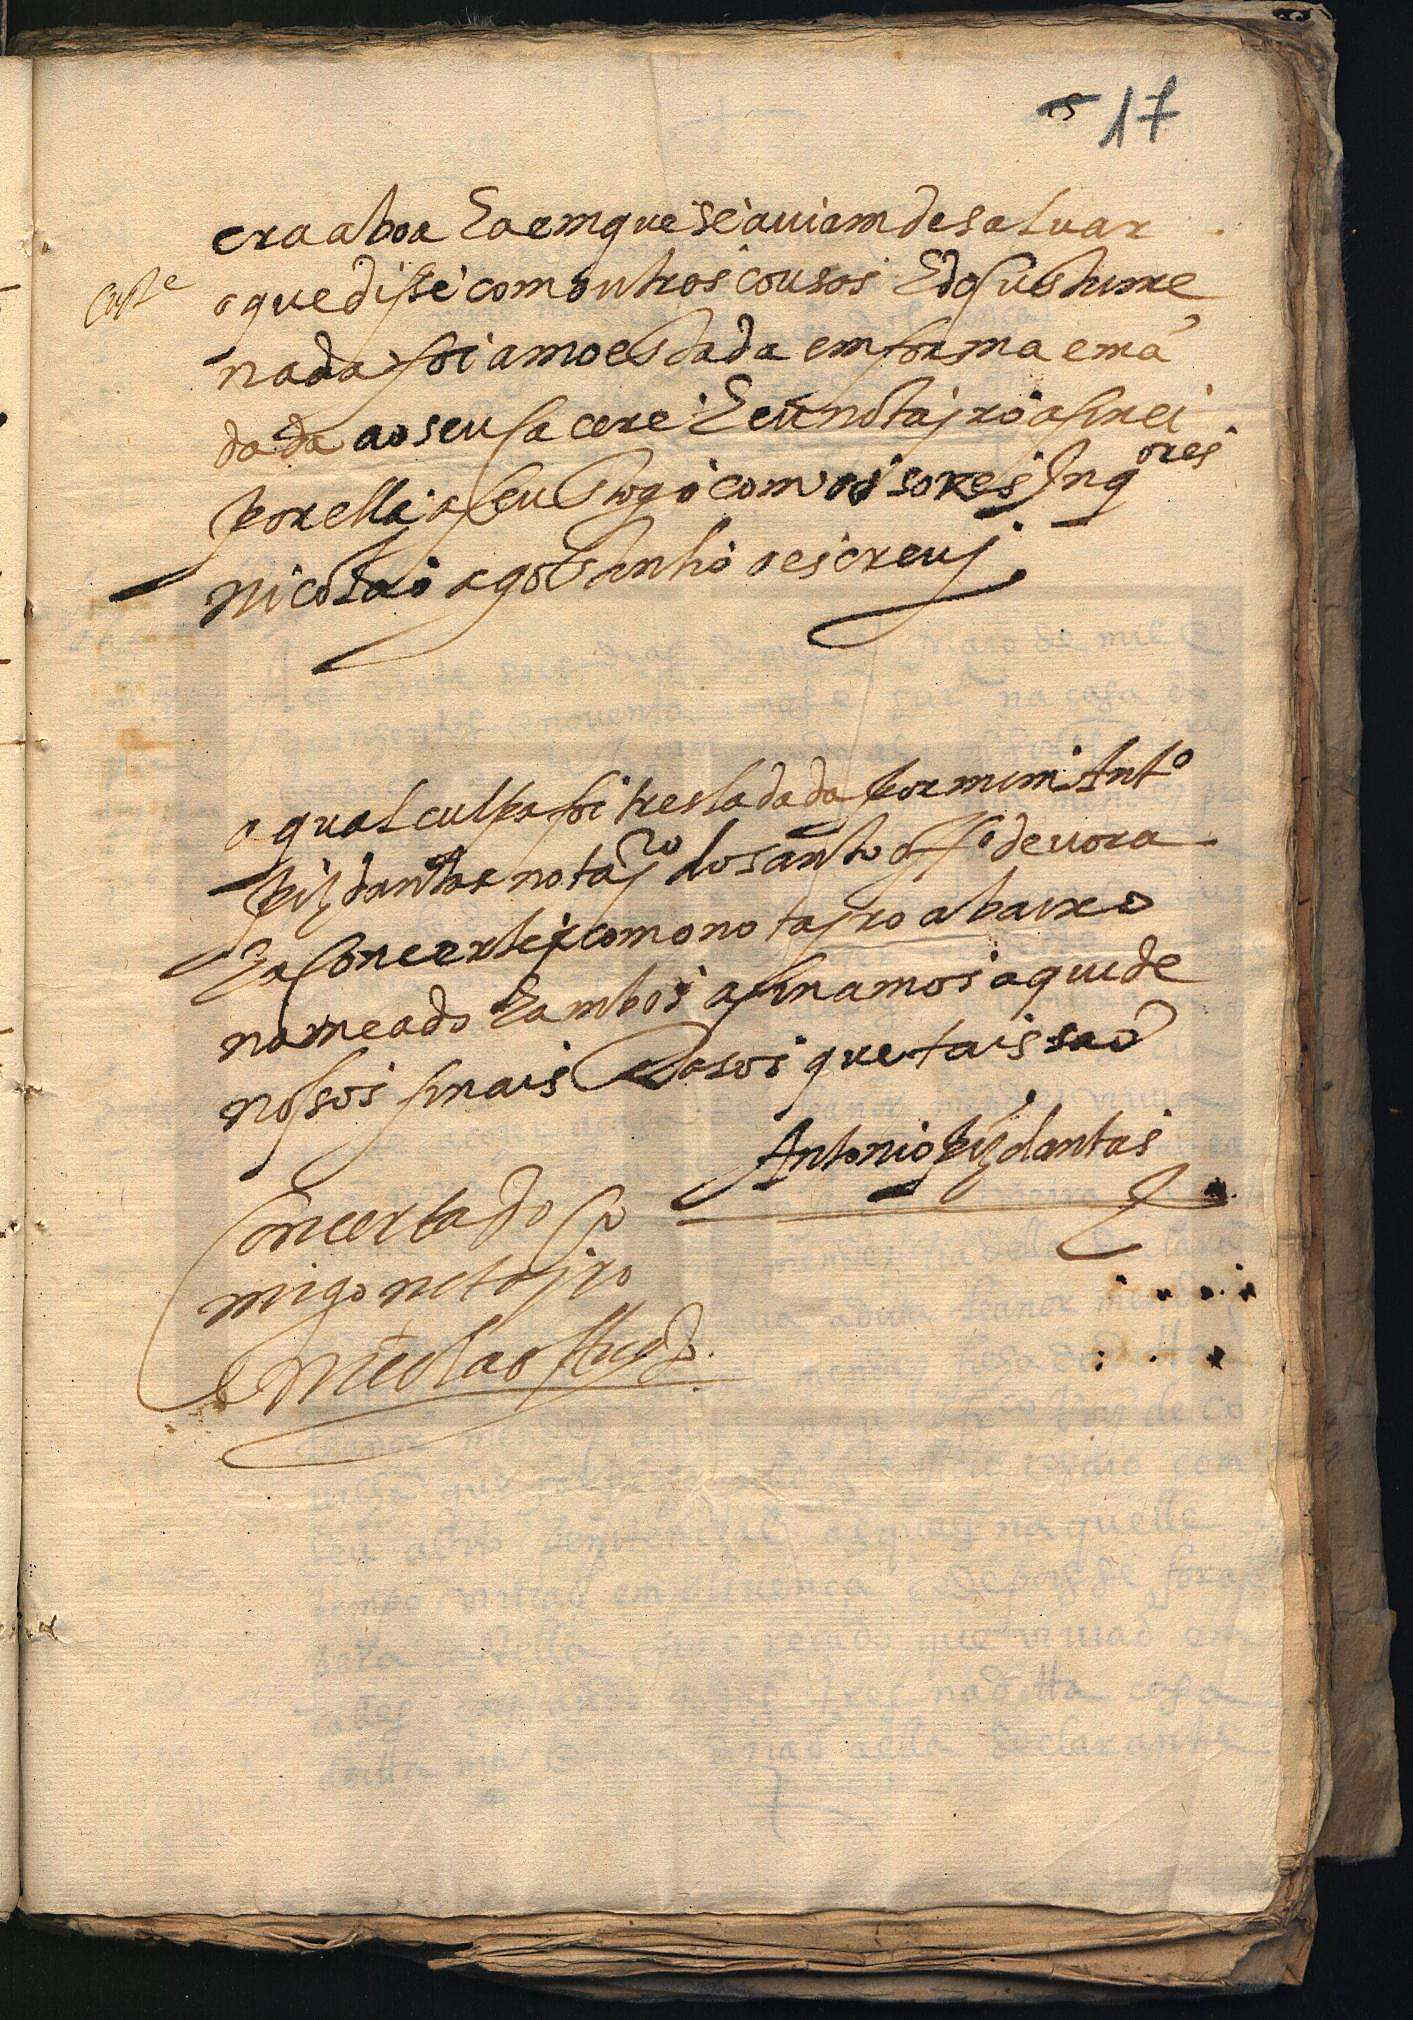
Custe
era a boa E a em que auiam de saluar
o que disse com outras cousas E do Custume
nada foi amoestada em forma e mā
dada ao Cacere E eu notajro asinei
por ella a Seu Rogo com os sores Jnqores
nicolao agostinho o escreuj
a qual culpa foi tresladada por mim Anto
piz̄ dantas notajro do santo offo deuora
E a Concertej com o notajro abaixo
nomeado E ambos asinamos aqui de
nossos Sinais Rasos que tais saõ
Antonio piz̄ dantas
Concertado Co
migo notajro
nicolao Augto.
